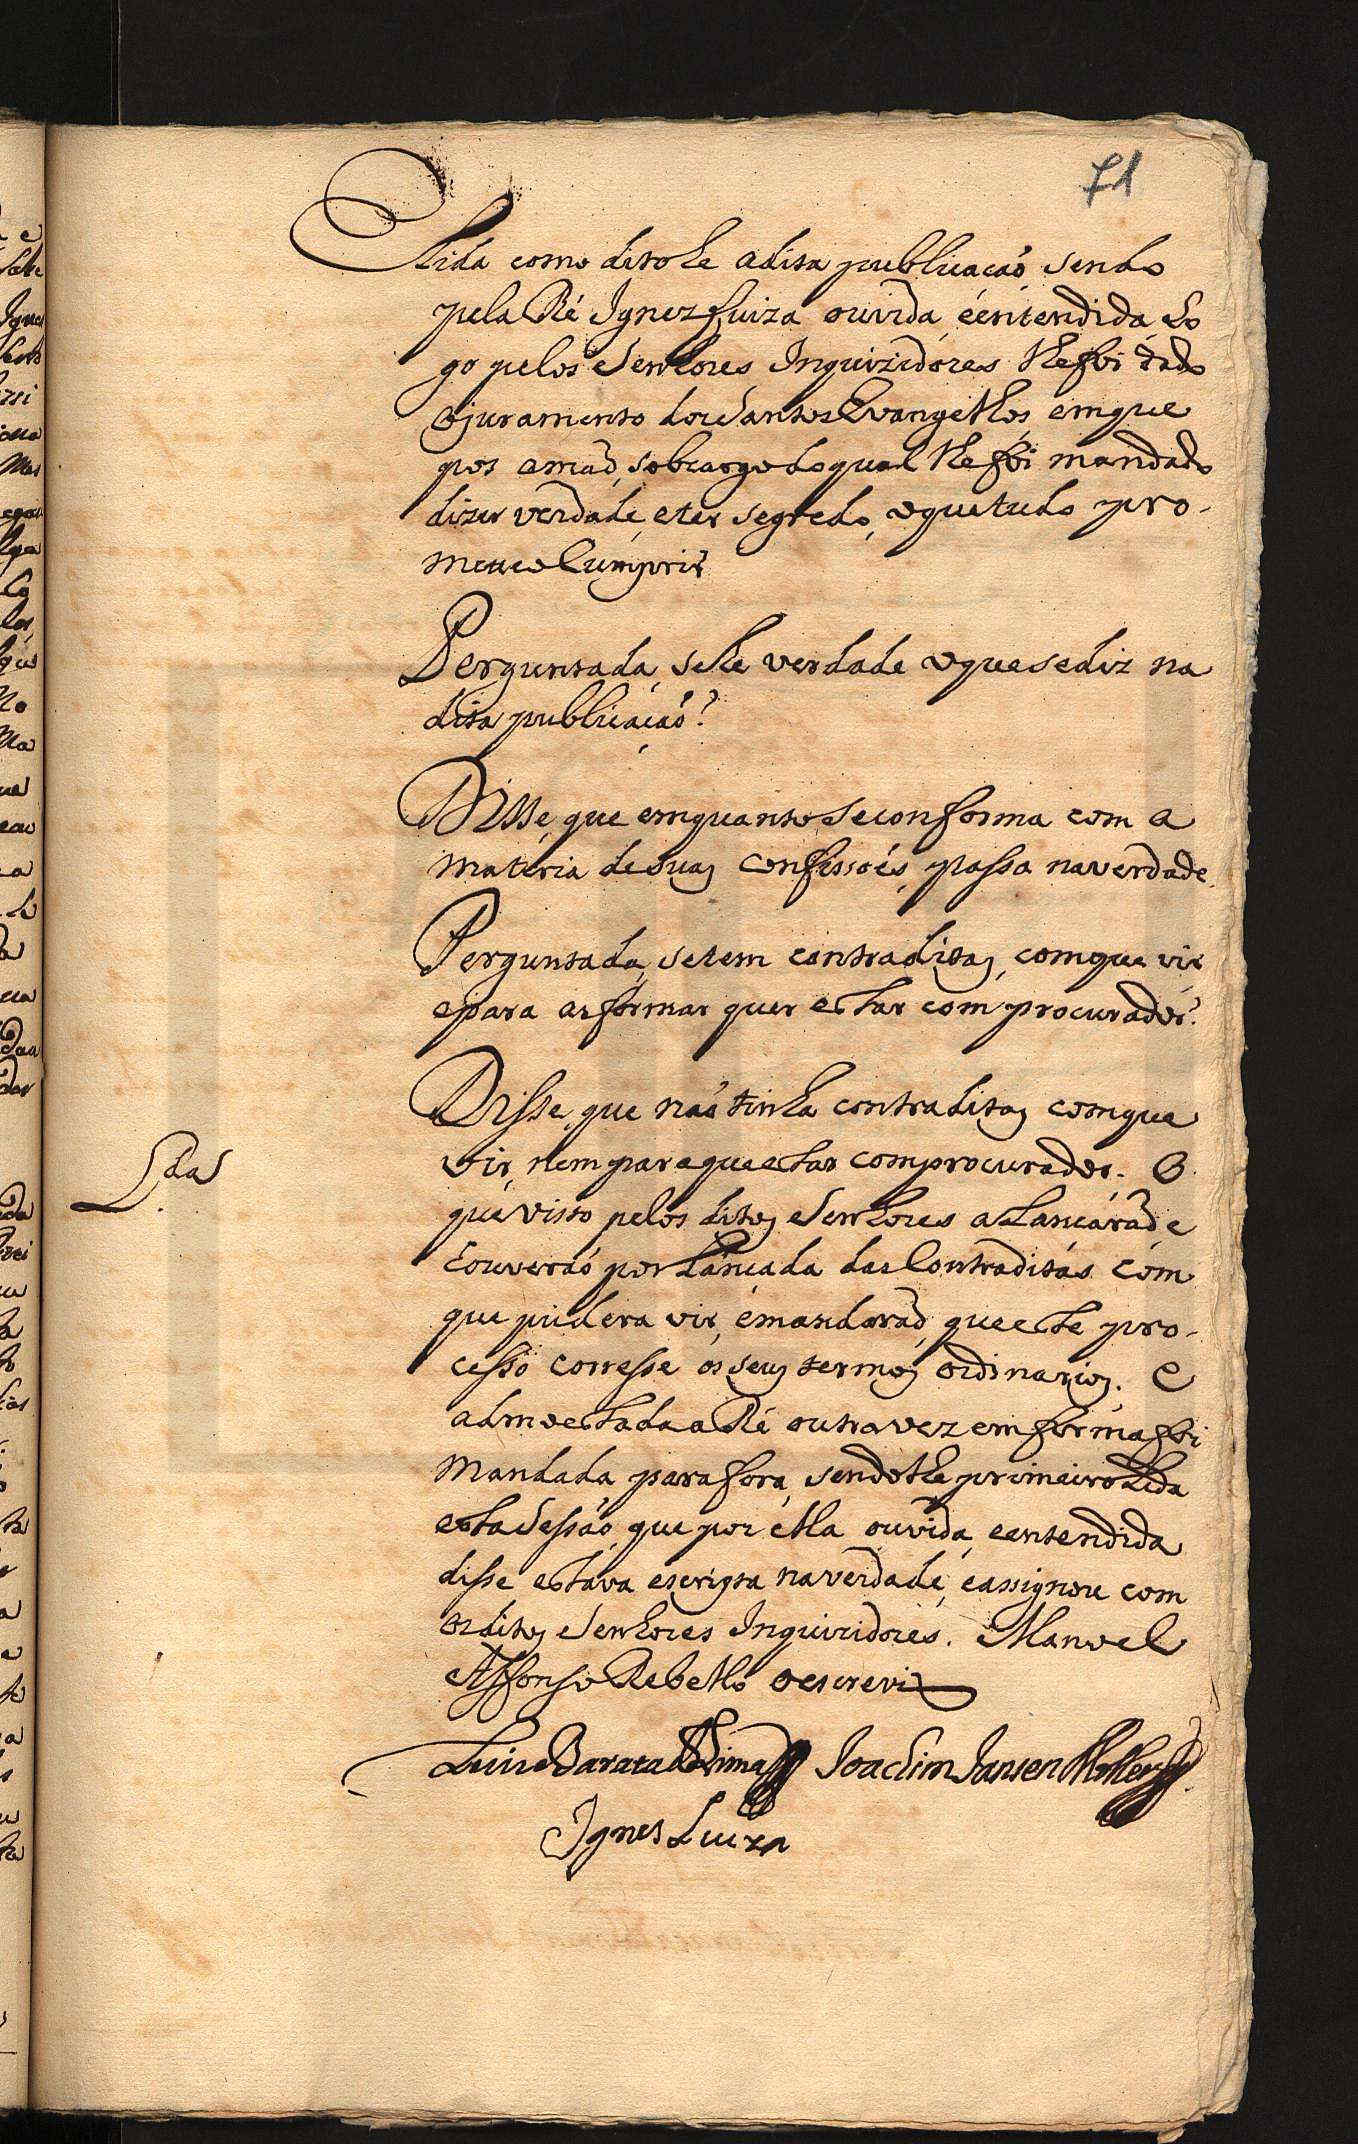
E lida como dito he a dita publicaçaõ sendo
pela Ré Ignez Luiza ouvida, e entendida Lo
go pelos Senhores Inquizidores lhe foi dado
o juramento dos Santos Evangelhos em que
pos a maõ, sob cargo do qual lhe foi mandado
dizer verdade, e ter segredo, o que tudo pro
metteo Cumprir
Perguntada, se he verdade o que se diz na
dita publicaçaõ?
Disse, que emquanto se conforma com a
materia de suas confissoẽs, passa na verdade.
Perguntada, se tem contraditas, com que vir
e para as formar quer estar com procurador
Disse que naõ tinha contraditas com que
vir, nem para que estar com procurador. O
L.da
que visto pelos ditos Senhores a Lançaraõ, e
houveraõ por Lançada das Contraditas com
que pudera vir, e mandaraõ, que este pro
cesso corresse os seus termos ordinarios; e
admoestada a Ré outra vez em forma foi
Mandada, para fora, sendolhe primeiro Lida
esta Sessaõ que por ella ouvida e entendida
disse estava escripa na verdade, e assignou com
os ditos Senhores Inquizidores. Manoel
Affonso Rebello o escrevi
Luiz Barata d̄ Lima Ioachim Iansen Moller
Jgnes Luiza
